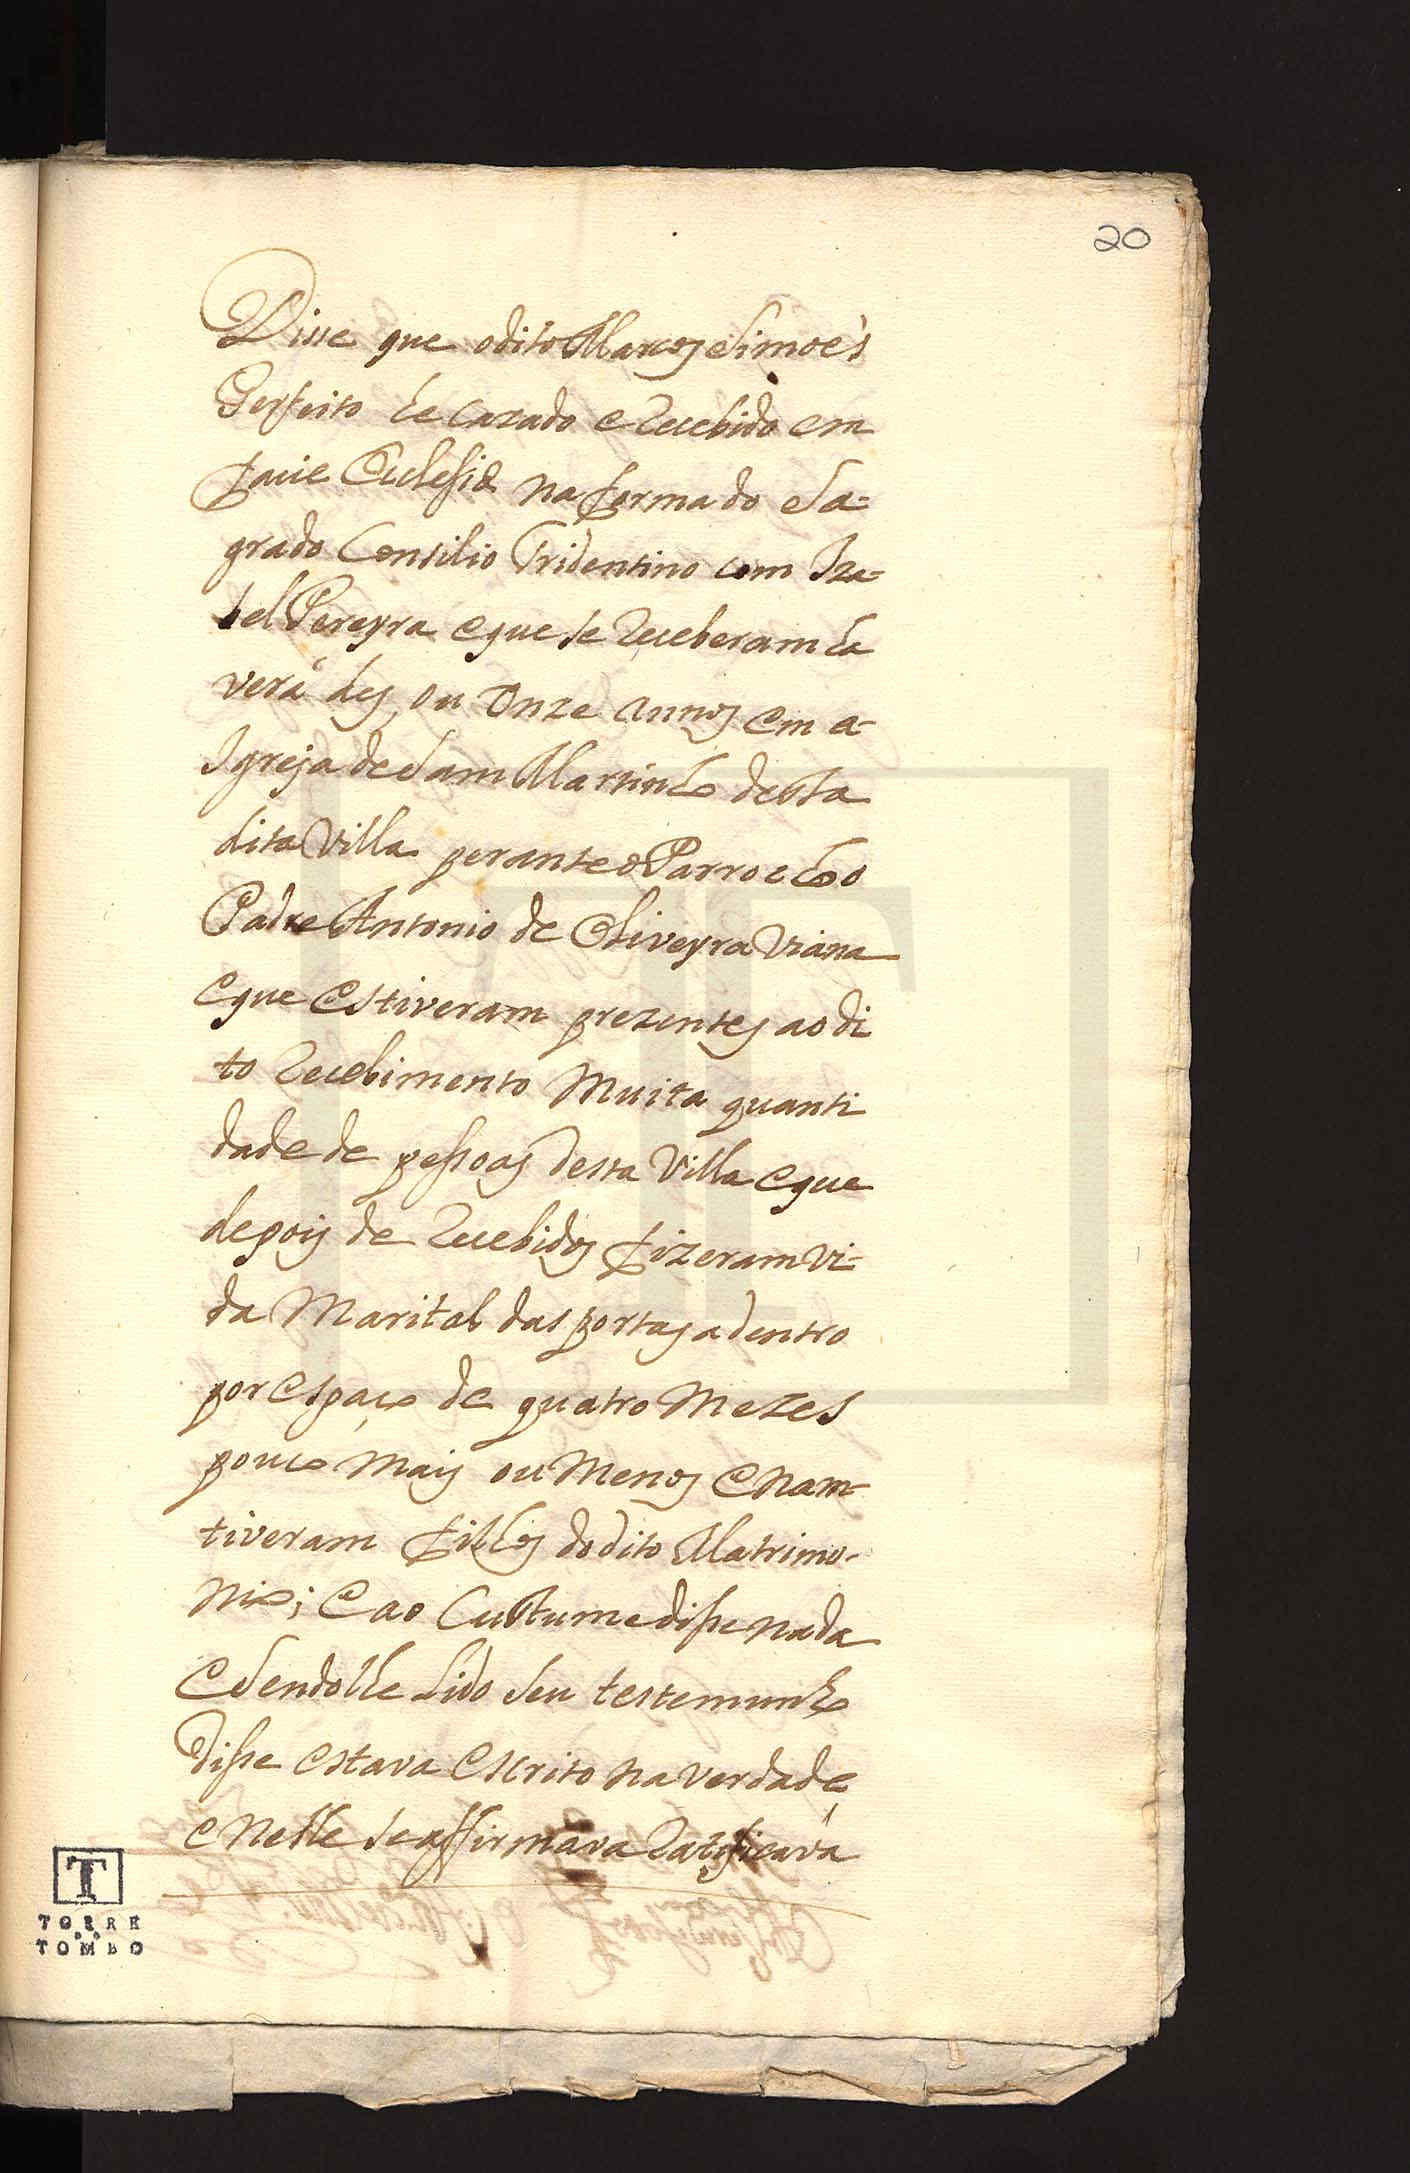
Disse que o dito Marcos Simoẽs
Perfeito he cazado e Recebido em
facie Ecclesiæ na forma do Sa
grado Consilio Tridentino com Iza
bel Pereyra e que se Receberam ha
verá des, ou onze annos em a
Igreja de Sam Martinho desta
dita villa perante o Parrocho o
Padre Antonio de Oliveyra Viana
E que estiveram prezentes ao di
to Recebimento muita quanti
dade de pessoas desta Villa e que
depois de Recebidos fizeram vi
da Marital das portas adentro
por espaço de quatro mezes
pouco mais ou menos e nam
tiveram filhos do dito Matrimo
nio; e ao Custume disse nada
e Sendolhe Lido seu testemunho
disse estava escrito na verdade,
e nelle se affirmara Ratificava
